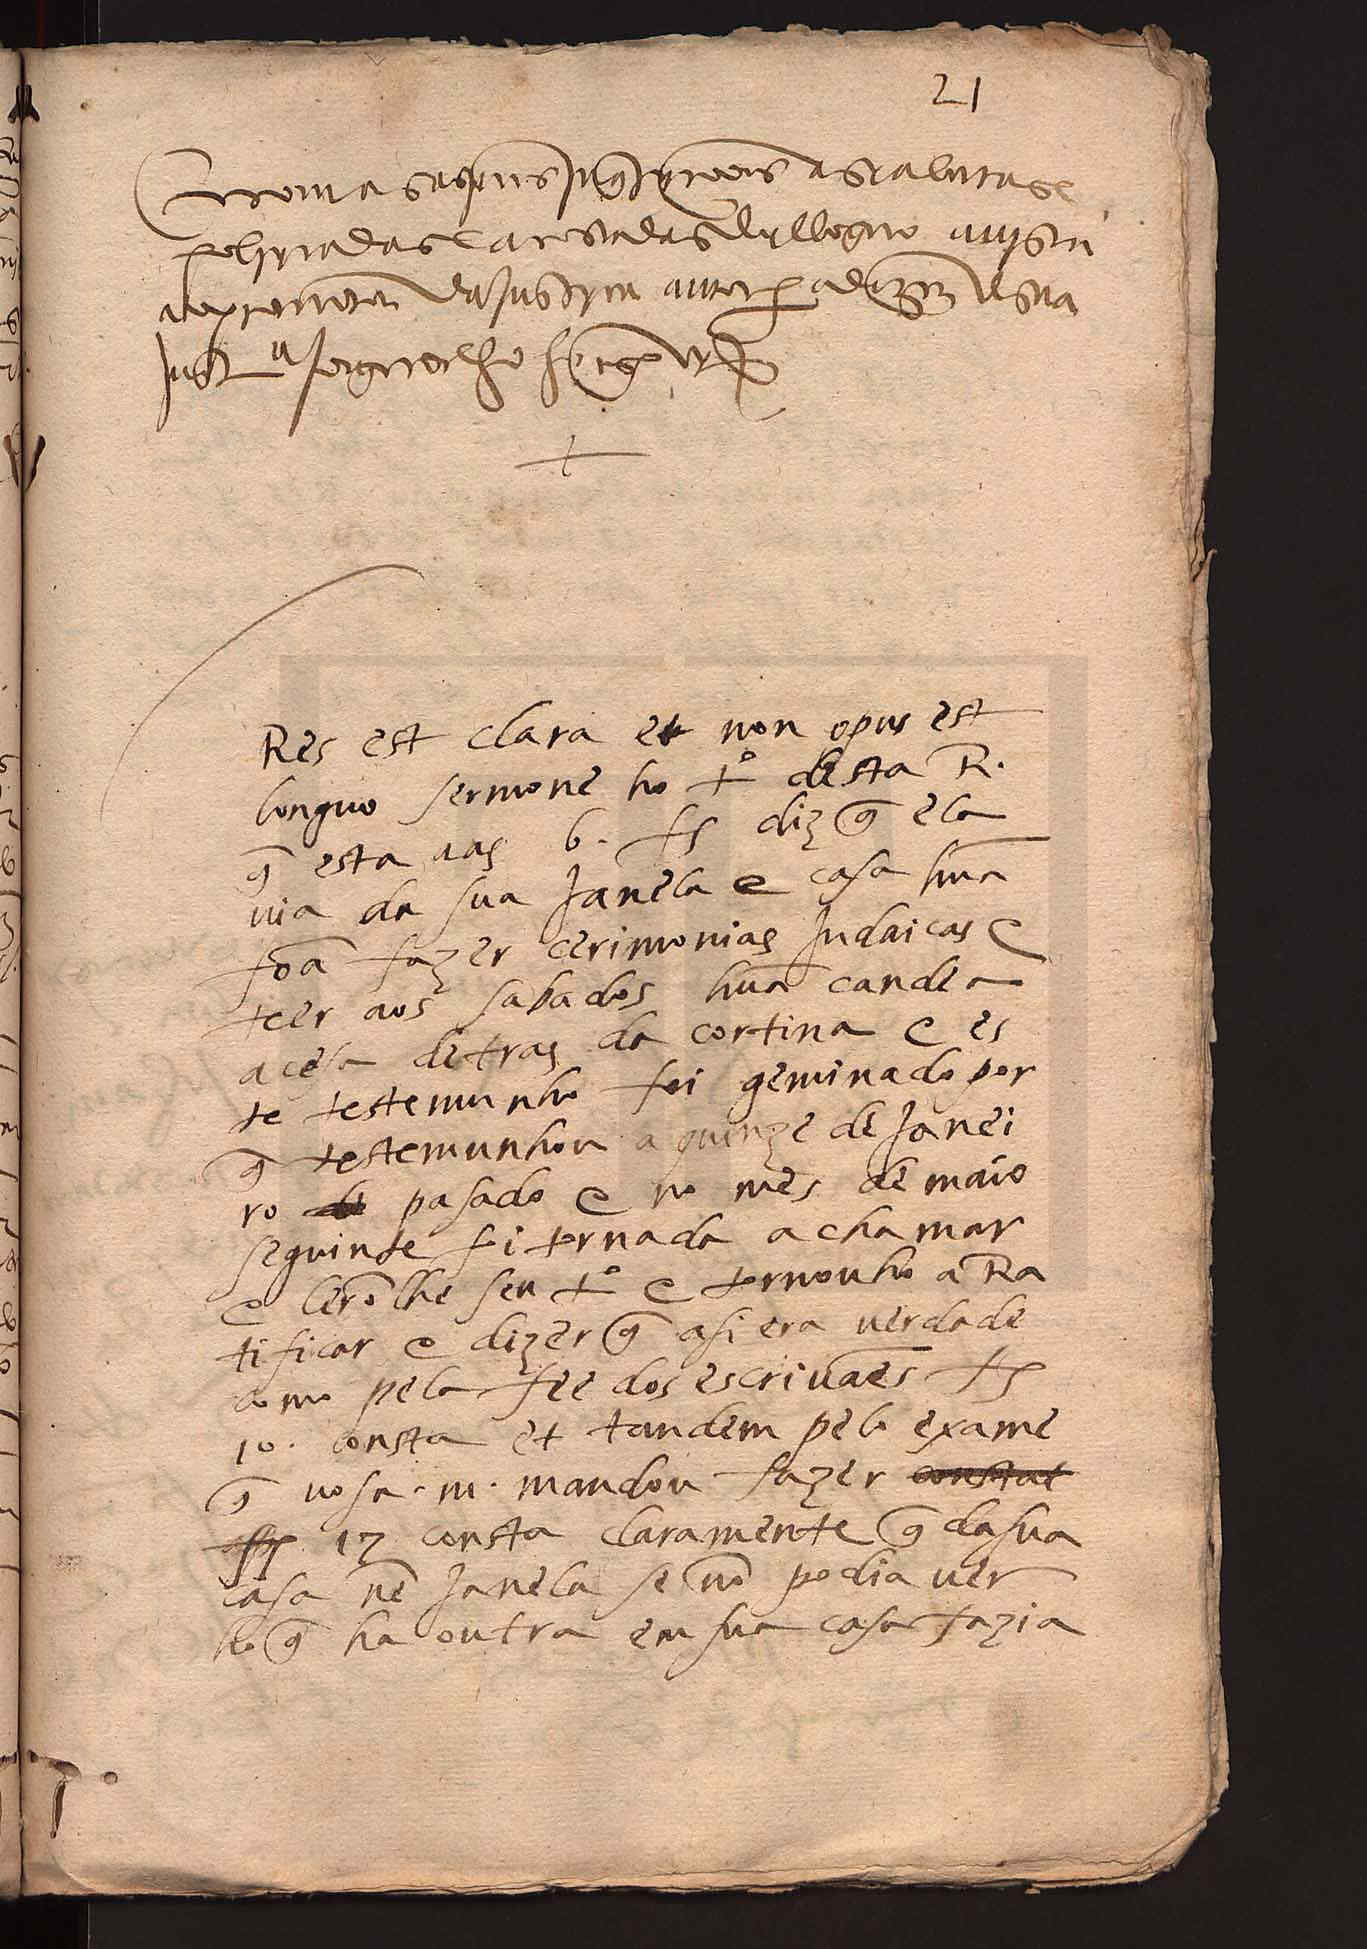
E com as ajues Jnqs̄yçõoes asy abertas e
pobrycadas e acostadas dey lloguo a ujsta
ao promotor da Justyça autor ꝑa dizer de sua
Justa Jorge coelho ho esp̄vy
Res est clara et non opus est
longuo sermone ho to desta R.
q̄ esta aas 6. fꝭ diz q̄ ela
uia da sua Janela e casa hūa
foā fazer cerimonias Judaicas e
teer aos sabados huā candea
acesa detras da cortina e es
te testemunho foi geminado por
q̄ testemunhou a quinze de Janei
ro de passado e no mes de maio
seguinte foi tornada a chamar
e lerō lhe seu to e tornou ho a Ra
tificar e dizer q̄ asi era uerdade
como pela fee dos escriuães fꝭ
10. consta et tandem pelo exame
q̄ uosa .m. mandou fazer constat
fꝭ 17 consta claramente q̄ da sua
casa nē Janela se n̄o podia uer
ho q̄ ha outra em sua casa fazia
